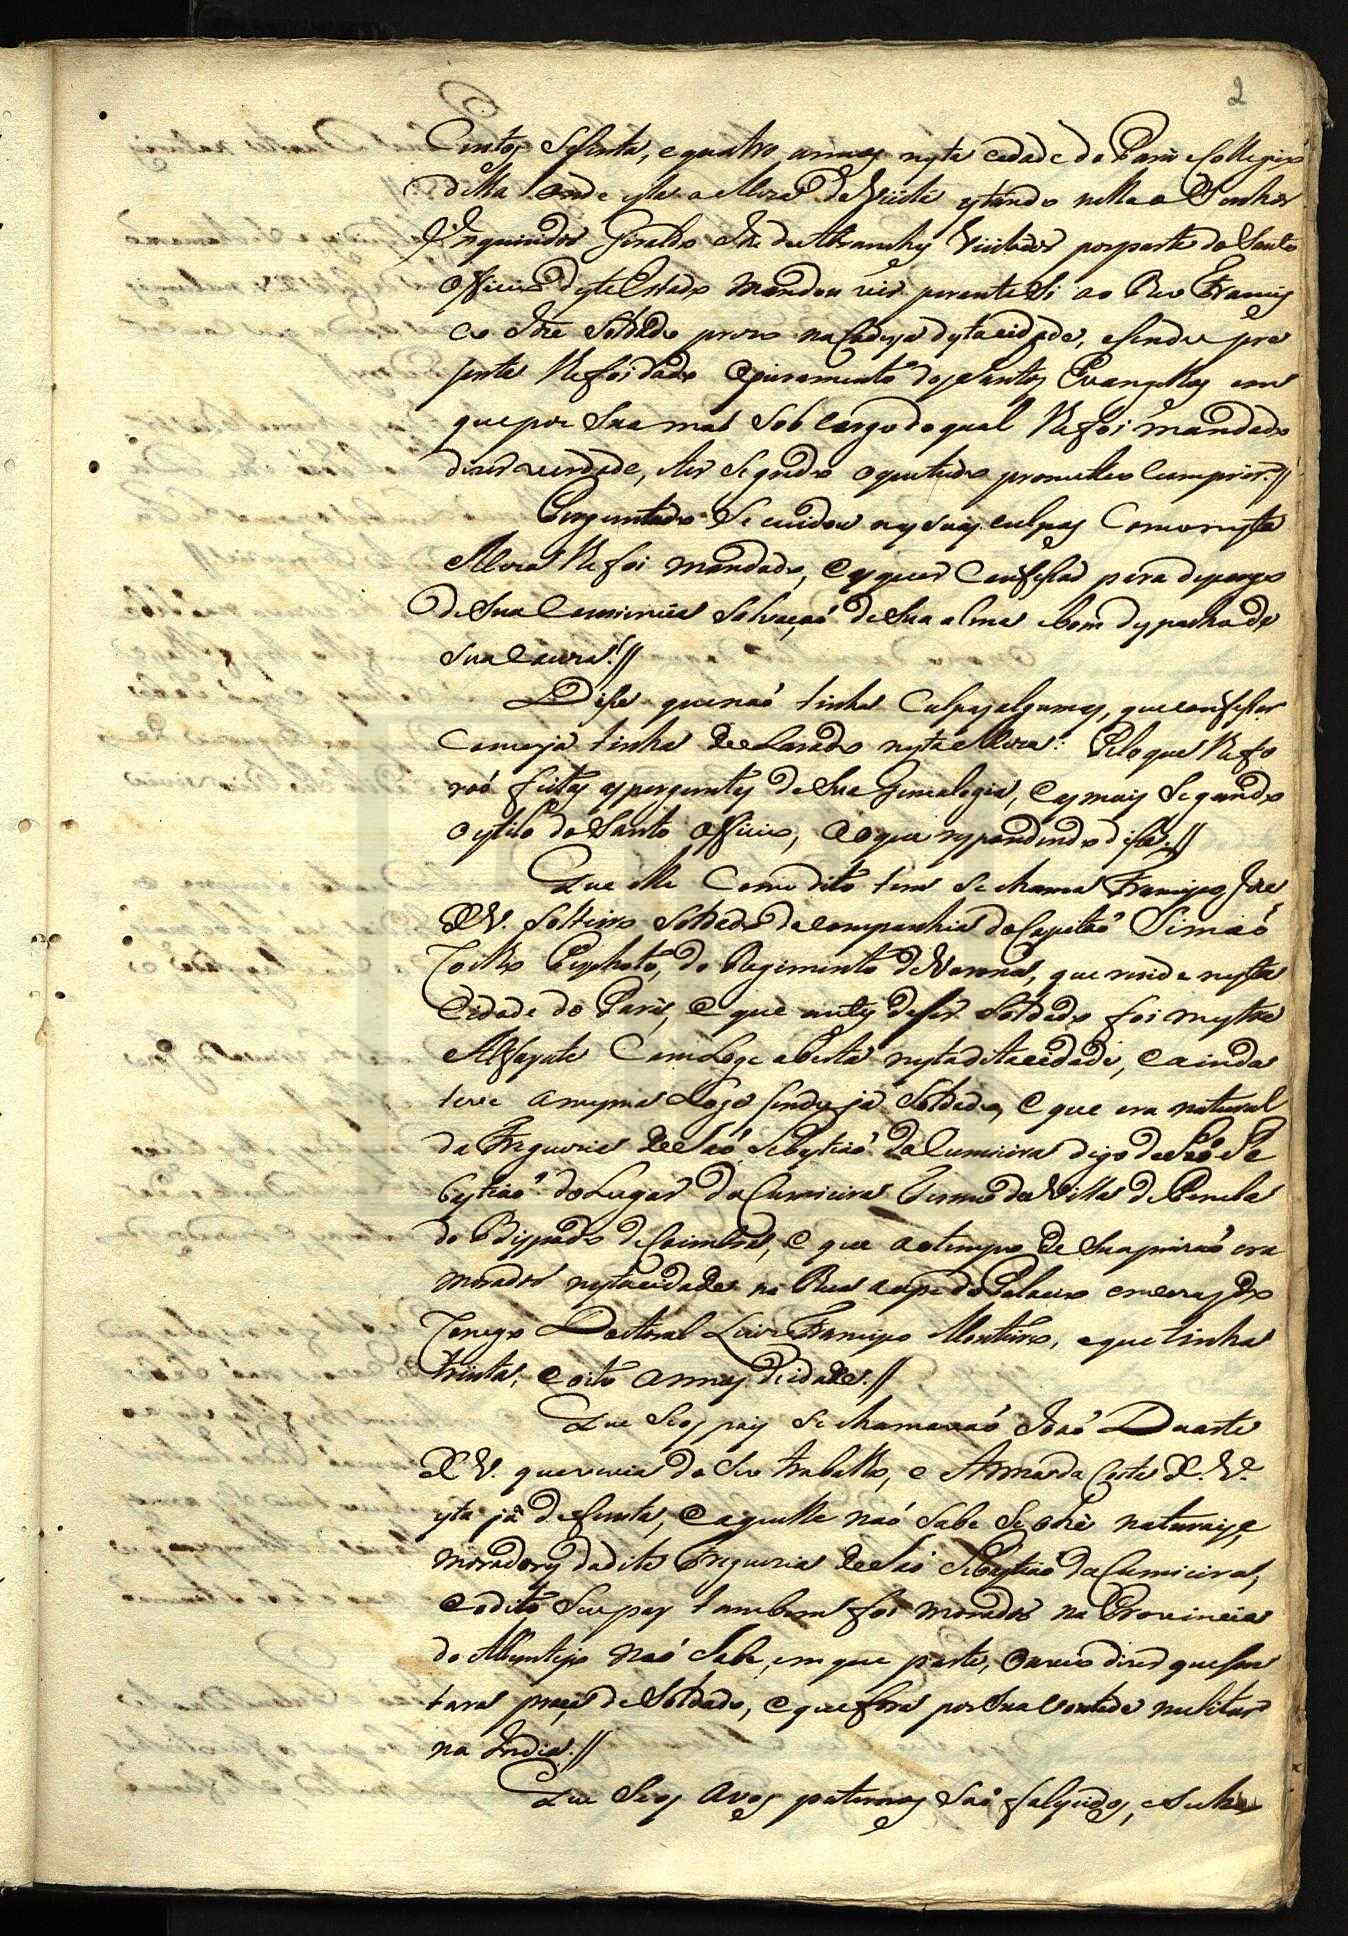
Centos sesenta, e quatro annos nesta cidade do Pará e Collegio
della onde esta a Meza da Visita estando nella o Senhor
Inquisidor Giraldo Joze de Abranches Visitador por parte do Santo
officio deste Estado mandou vir perante Si ao Reo Francis
co Joze Soldado prezo na Cadeya desta cidade, e sendo pre
sente lhe foi dado o juramento dos Santos Evangelhos em
que poz Sua maõ sob cargo do qual lhe foi mandado
dizer verdade, e ter Segredo o que tudo prometeo cumprir.//
Perguntado se cuidou nas suas culpas com o nesta
Meza lhe foi mandado, e as quer confessar para descargo
de Sua Consiencia Salvaçaõ de Sua alma e bom despacho de
sua cauza.//
Disse que naõ tinha Culpas algumas, que confessar
como ja tinha declarado nesta Meza: Pelo que lhe fo
raõ feitas as perguntas de Sua Genealogia, e as mais segundo
o estilo do Santo officio, ao que respondendo disse.//
Que elle Como dito tem se chama Francisco Joze
XV. Solteiro soldado da companhia do Capitaõ Simaõ
Coelho Peychoto, do Regimento de Varena, que reside nesta
cidade do Pará, e que antes de ser soldado foi mestre
Alfayate Com Loge aberta nesta dita cidade, e ainda
teve a mesma Logo sendo ja Soldado, e que era natural
da Freguezia de Saõ Sebastiaõ da Cumieira digo de Saõ Se
bastiaõ do Lugar da Cumieira Termo da Villa de Penela
do Bispado de Coimbra, e que ao tempo de Sua prizaõ era
morador nesta cidade na Rua ao pe do Palacio em cazas do
Conego Doctoral Luiz Francisco Monteiro, e que tinha
trinta, e oito annos de idade. //
Que seos pais se chamavaõ Joaõ Duarte
XV. que vivia do Seo trabalho, e Anna da Costa X.V.
esta ja defuncta, e aquelle naõ sabe se o hé naturais, e
moradores da dita Freguezia de Saõ Sebastião da Cumieira,
e o dito Seu pay tambem foi morador na Provincia
de Allentejo naõ sabe, em que parte, ouvio dizer que sen
tara praça de Soldado, e que fora por Sua vontade militar
na India.//
Que seos avos paternos saõ falescidos, e se
